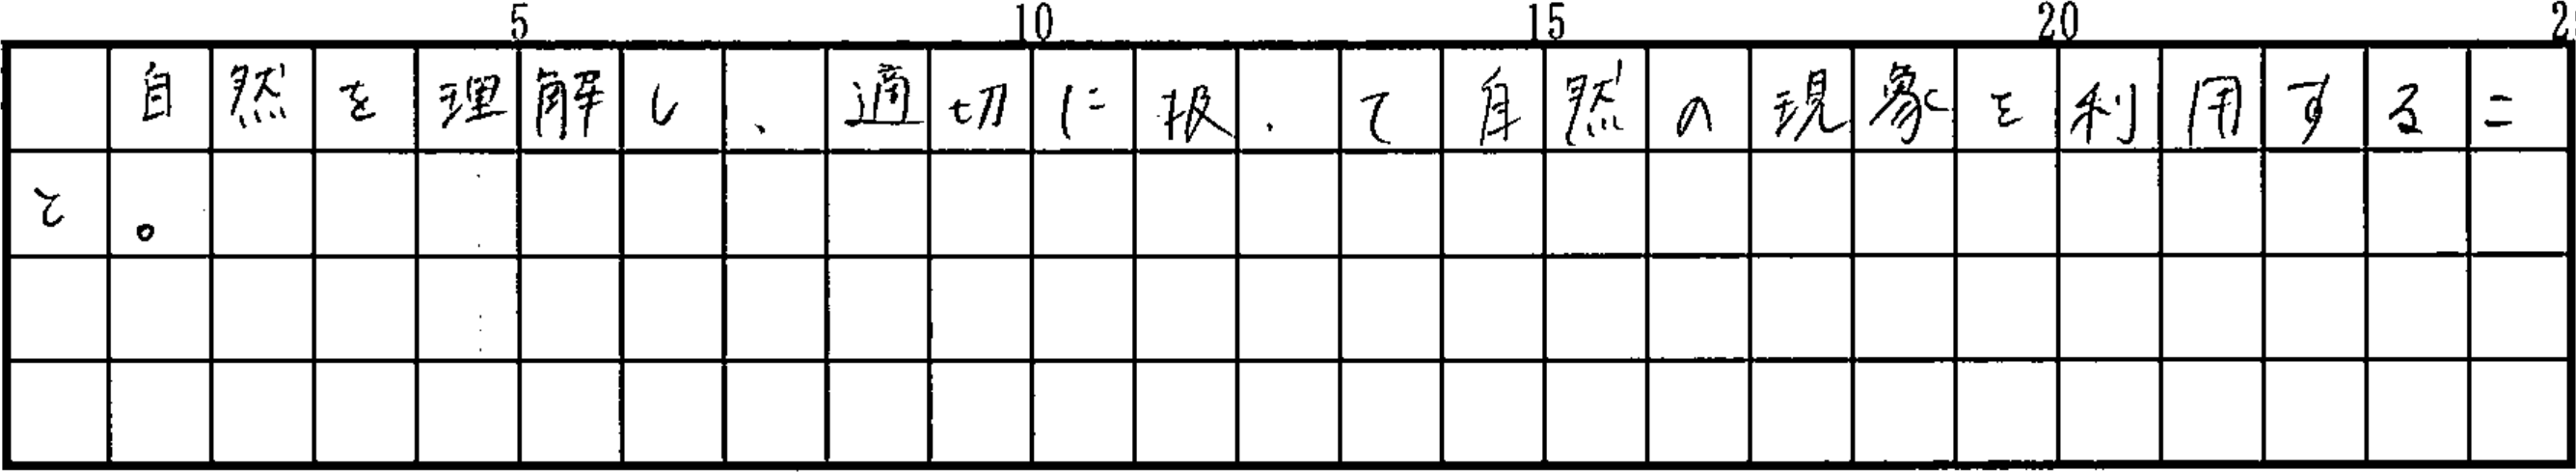　自然を理解し、適切に扱って自然の現象を利用すること。
